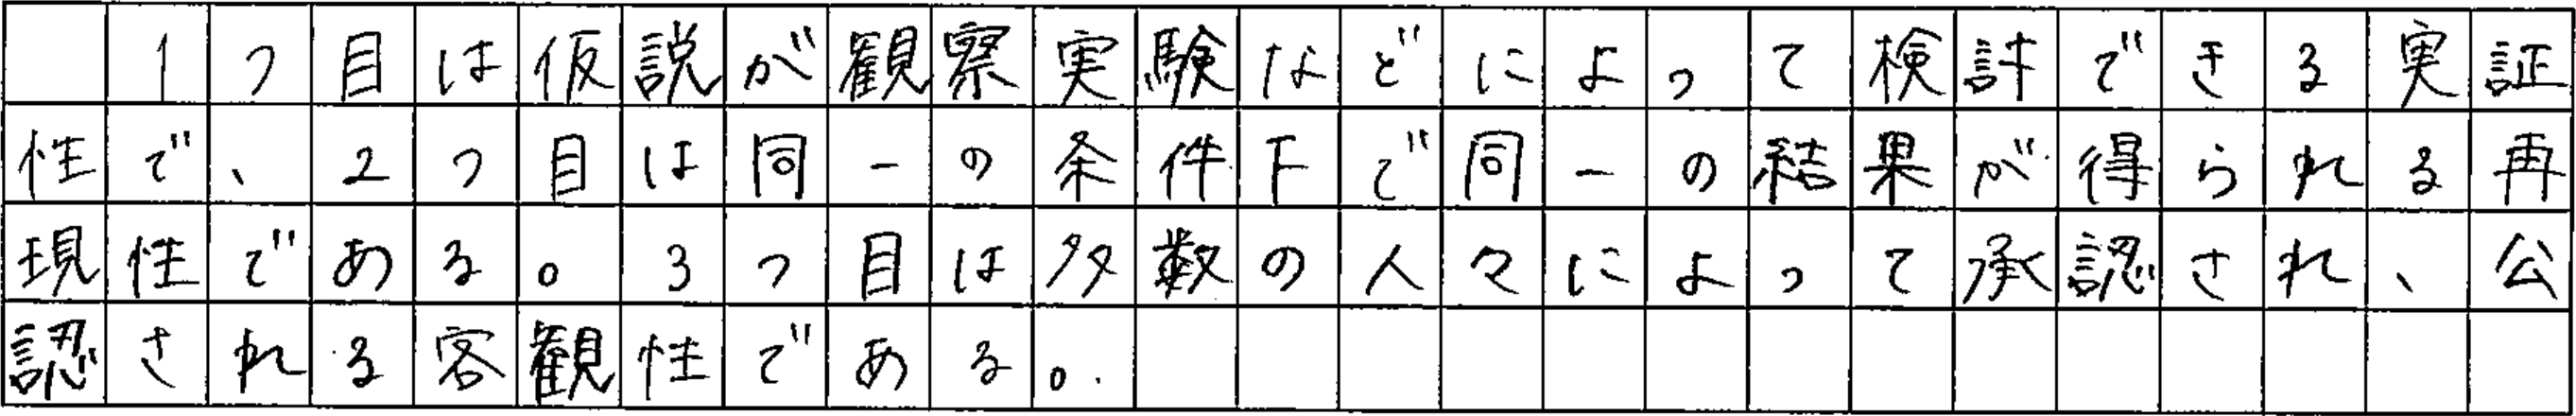 　1つ目は仮説が観察実験などによって検討できる実証性で、2つ目は同一の条件下で同一の結果が得られる再現性である。3つ目は多数の人々によって承認され、公認される客観性である。
